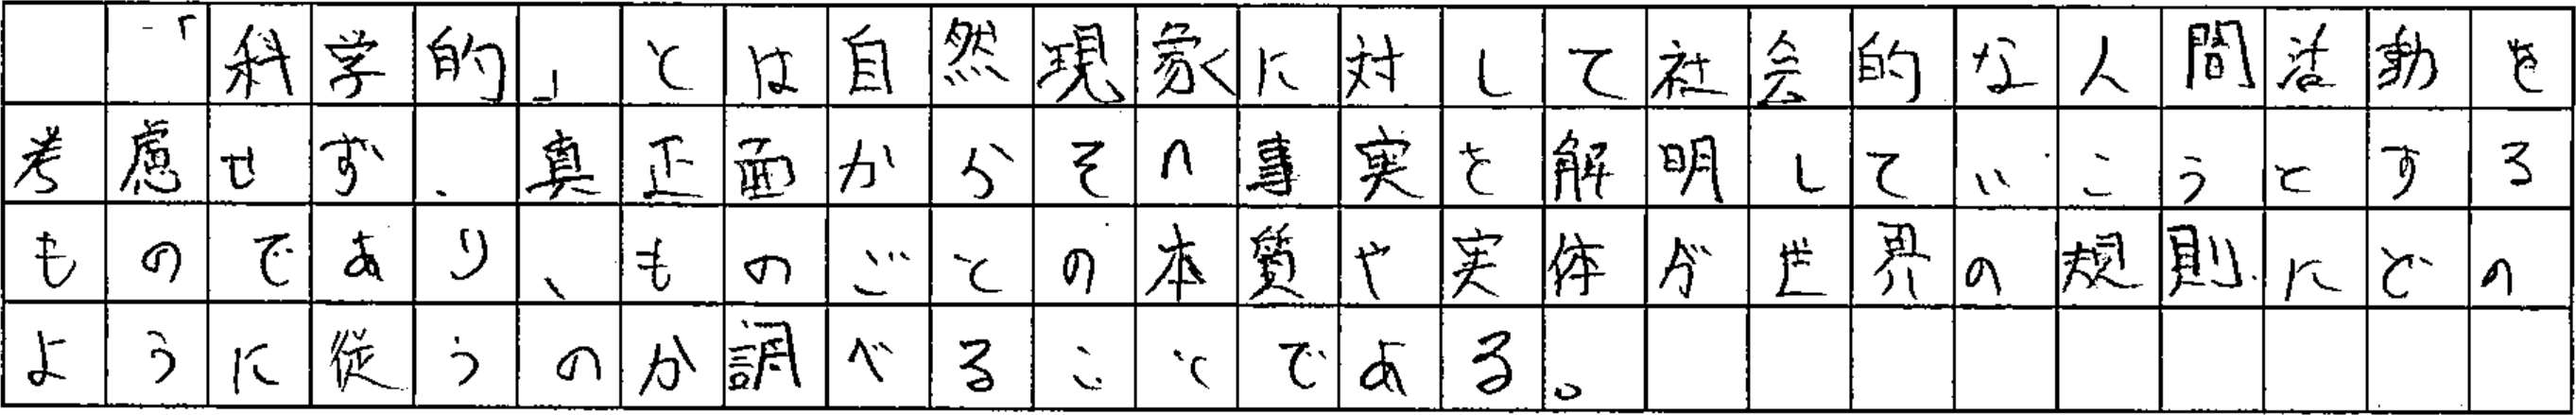　「科学的」とは自然現象に対して社会的な人間活動を考慮せず、真正面からその事実を解明していこうとするものであり、ものごとの本質や実体が世界の規則にどのように従うのか調べることである。
